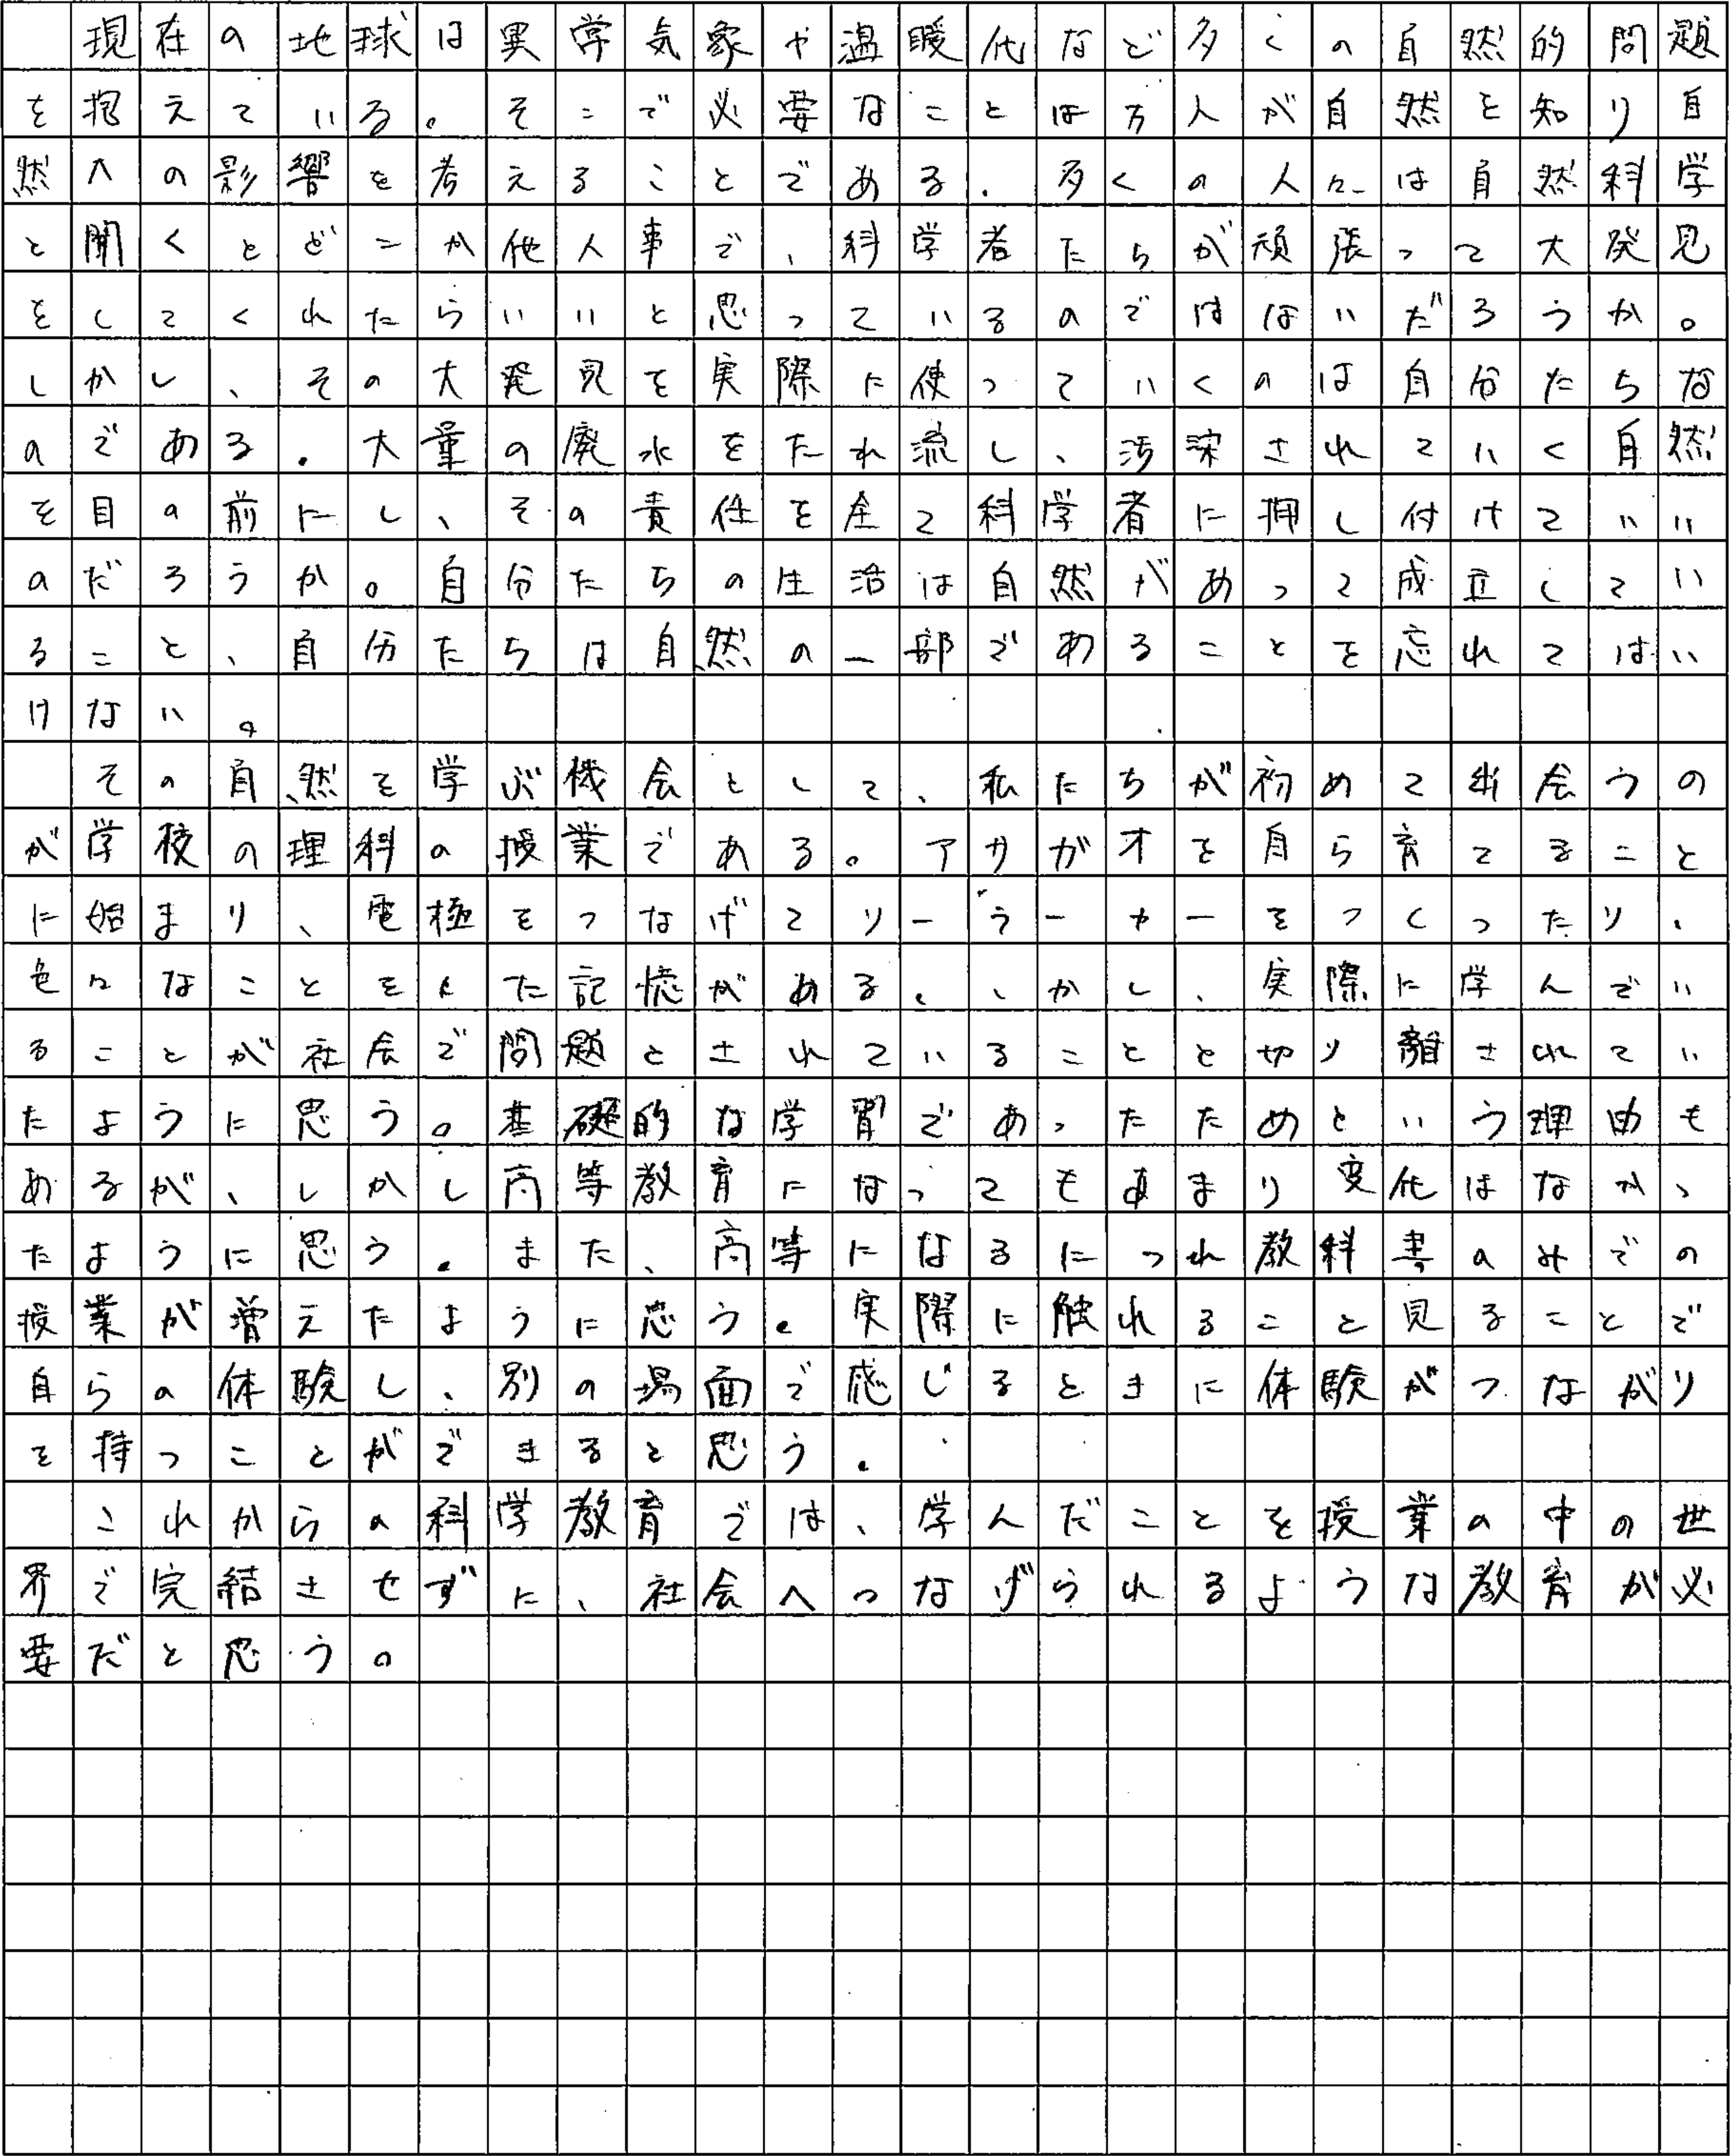　現在の地球は異常気象や温暖化など多くの自然的問題を抱えている。そこで必要なことは万人が自然を知り自然への影響を考えることである。多くの人々は自然科学と聞くとどこか他人事で、科学者たちが頑張って大発見をしてくれたらいいと思っているのではないだろうか。しかし、その大発見を実際に使っていくのは自分たちなのである。大量の廃水をたれ流し、汚染されていく自然を目の前にし、その責任を全て科学者に押し付けていいのだろうか。自分たちの生活は自然があって成立していること、自分たちは自然の一部であることを忘れてはいけない。
　その自然を学ぶ機会として、私たちが初めて出会うのが学校の理科の授業である。アサガオを自ら育てることに始まり、電極をつなげてソーラーカーをつくったり、色々なことをした記憶がある。しかし、実際に学んでいることが社会で問題とされていることと切り離されていたように思う。基礎的な学習であったためという理由もあるが、しかし高等教育になってもあまり変化はなかったように思う。また、高等になるにつれ教科書のみでの授業が増えたように思う。実際に触れること見ることで自らの体験し、別の場面で感じるときに体験がつながりを持つことができると思う。
　これからの科学教育では、学んだことを授業の中の世界で完結させずに、社会へつなげられるような教育が必要だと思う。
